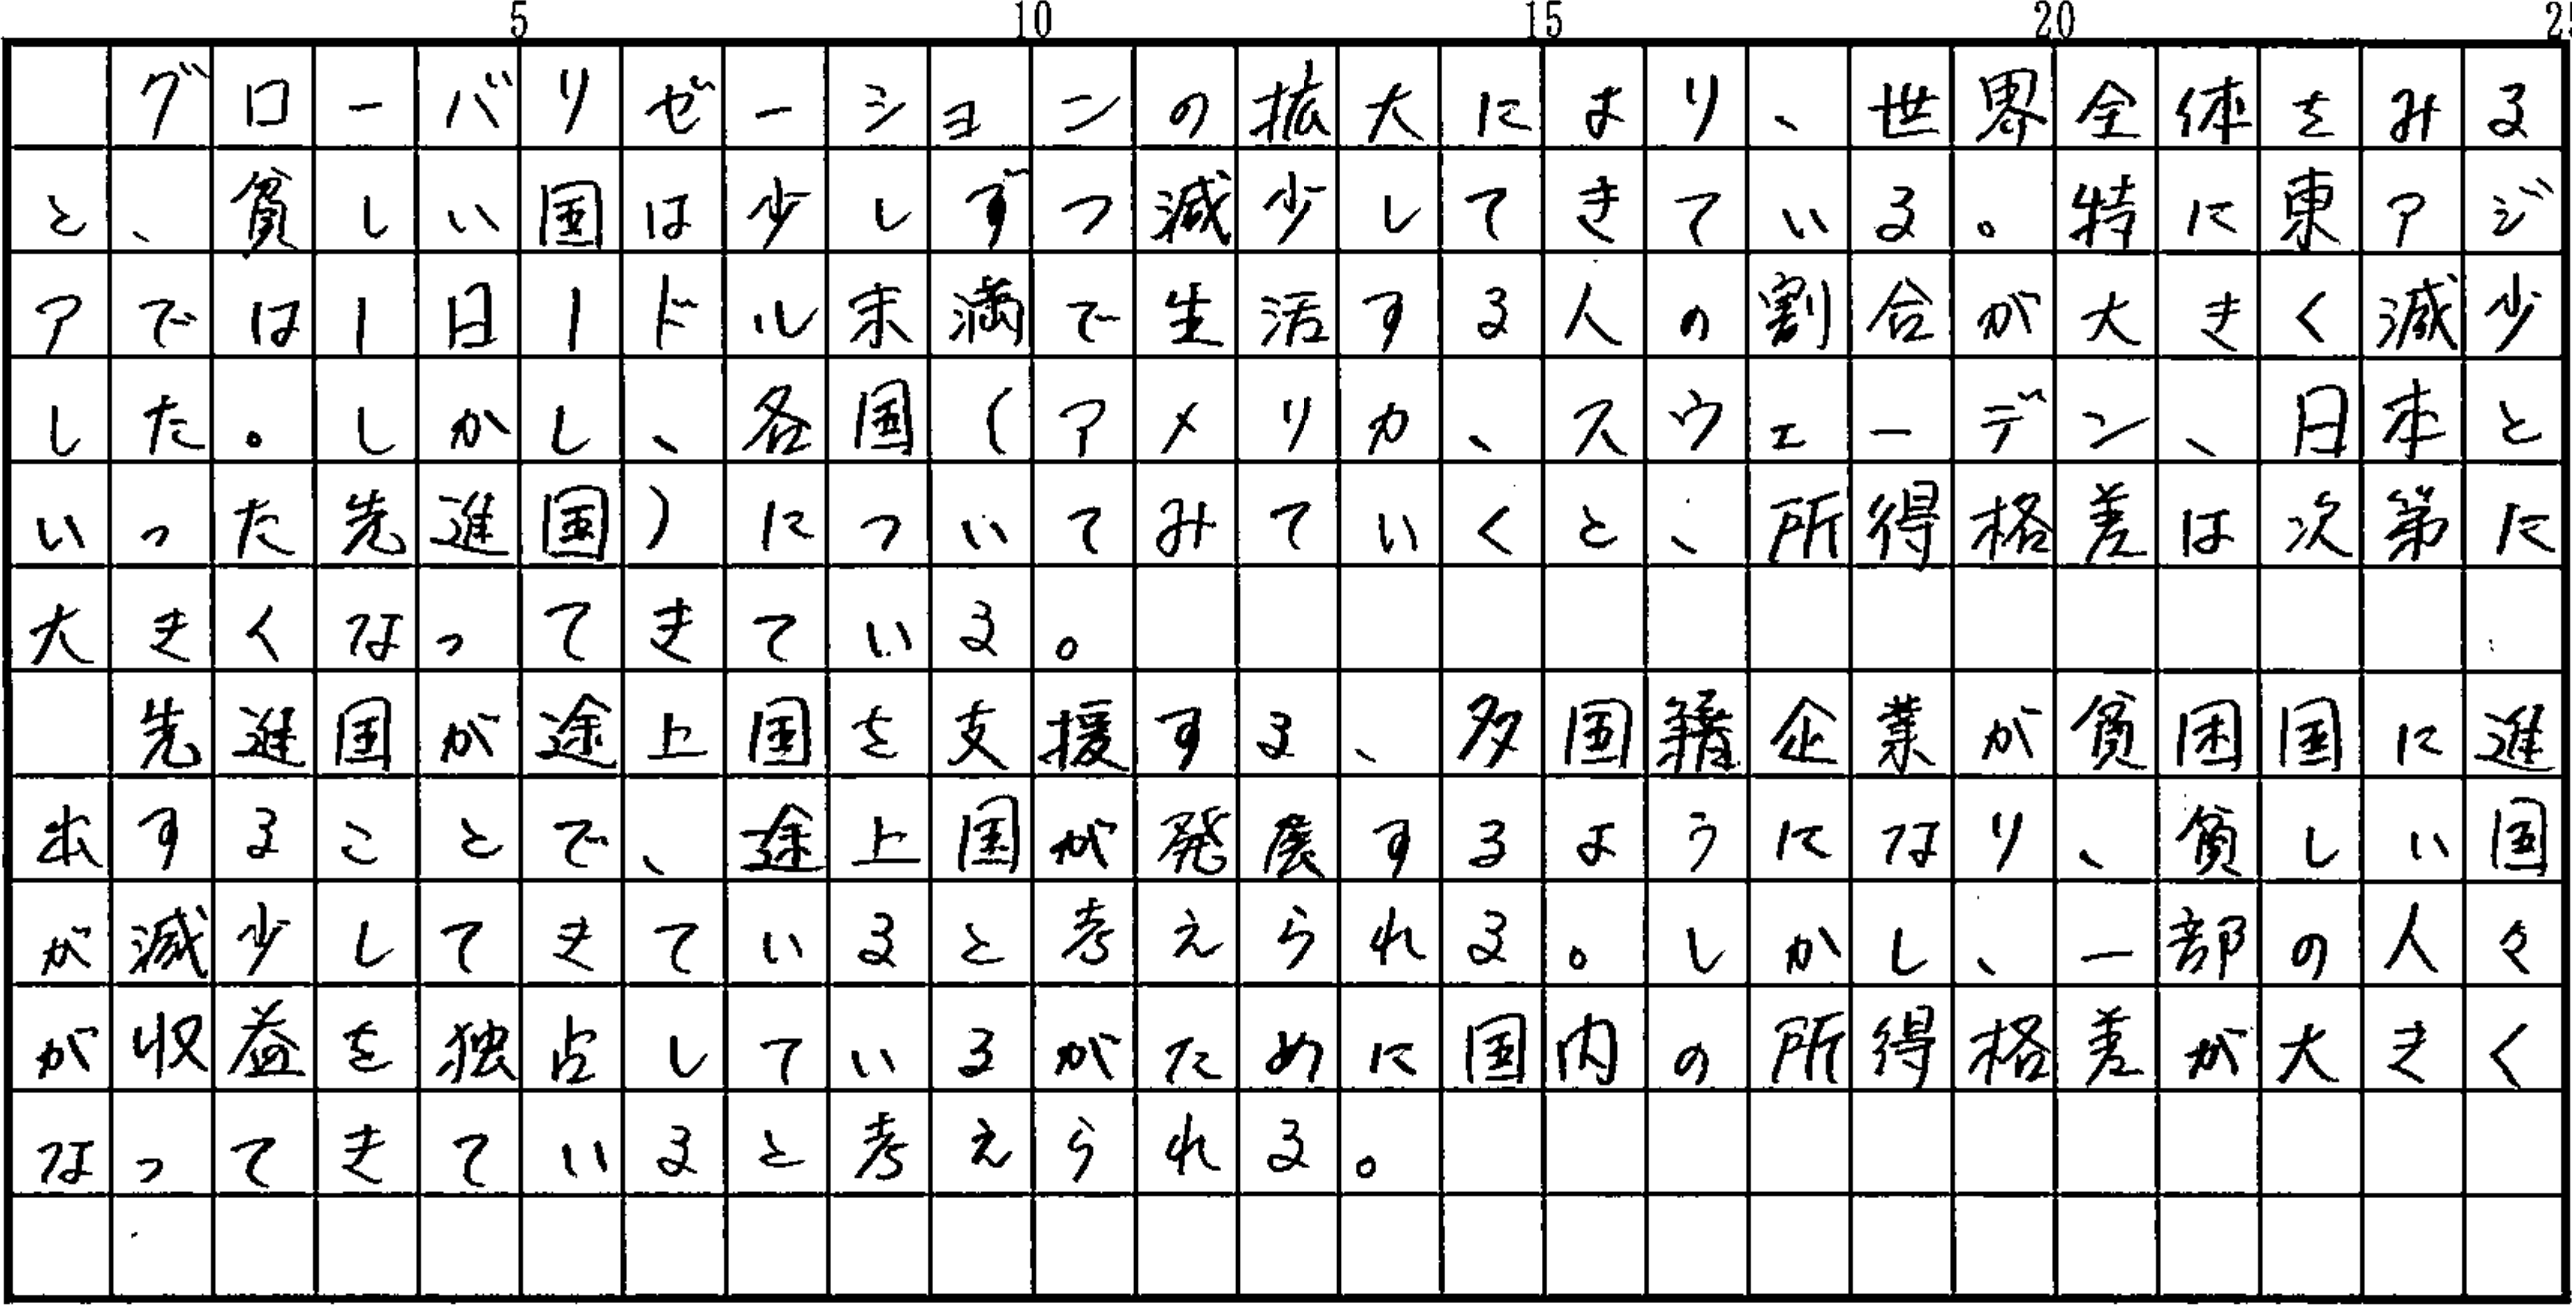　グローバリゼーションの拡大により、世界全体をみると、貧しい国は少しずつ減少してきている。特に東アジアでは１日１ドル末満で生活する人の割合が大きく減少した。しかし、各国（アメリカ、スウェーデン、日本といった先進国）についてみていくと、所得格差は次第に大きくなってきている。
　先進国が途上国を支援する、多国籍企業が貧困国に進出することで、途上国が発展するようになり、貧しい国が減少してきていると考えられる。しかし、一部の人々が収益を独占しているがために国内の所得格差が大きくなってきていると考えられる。
